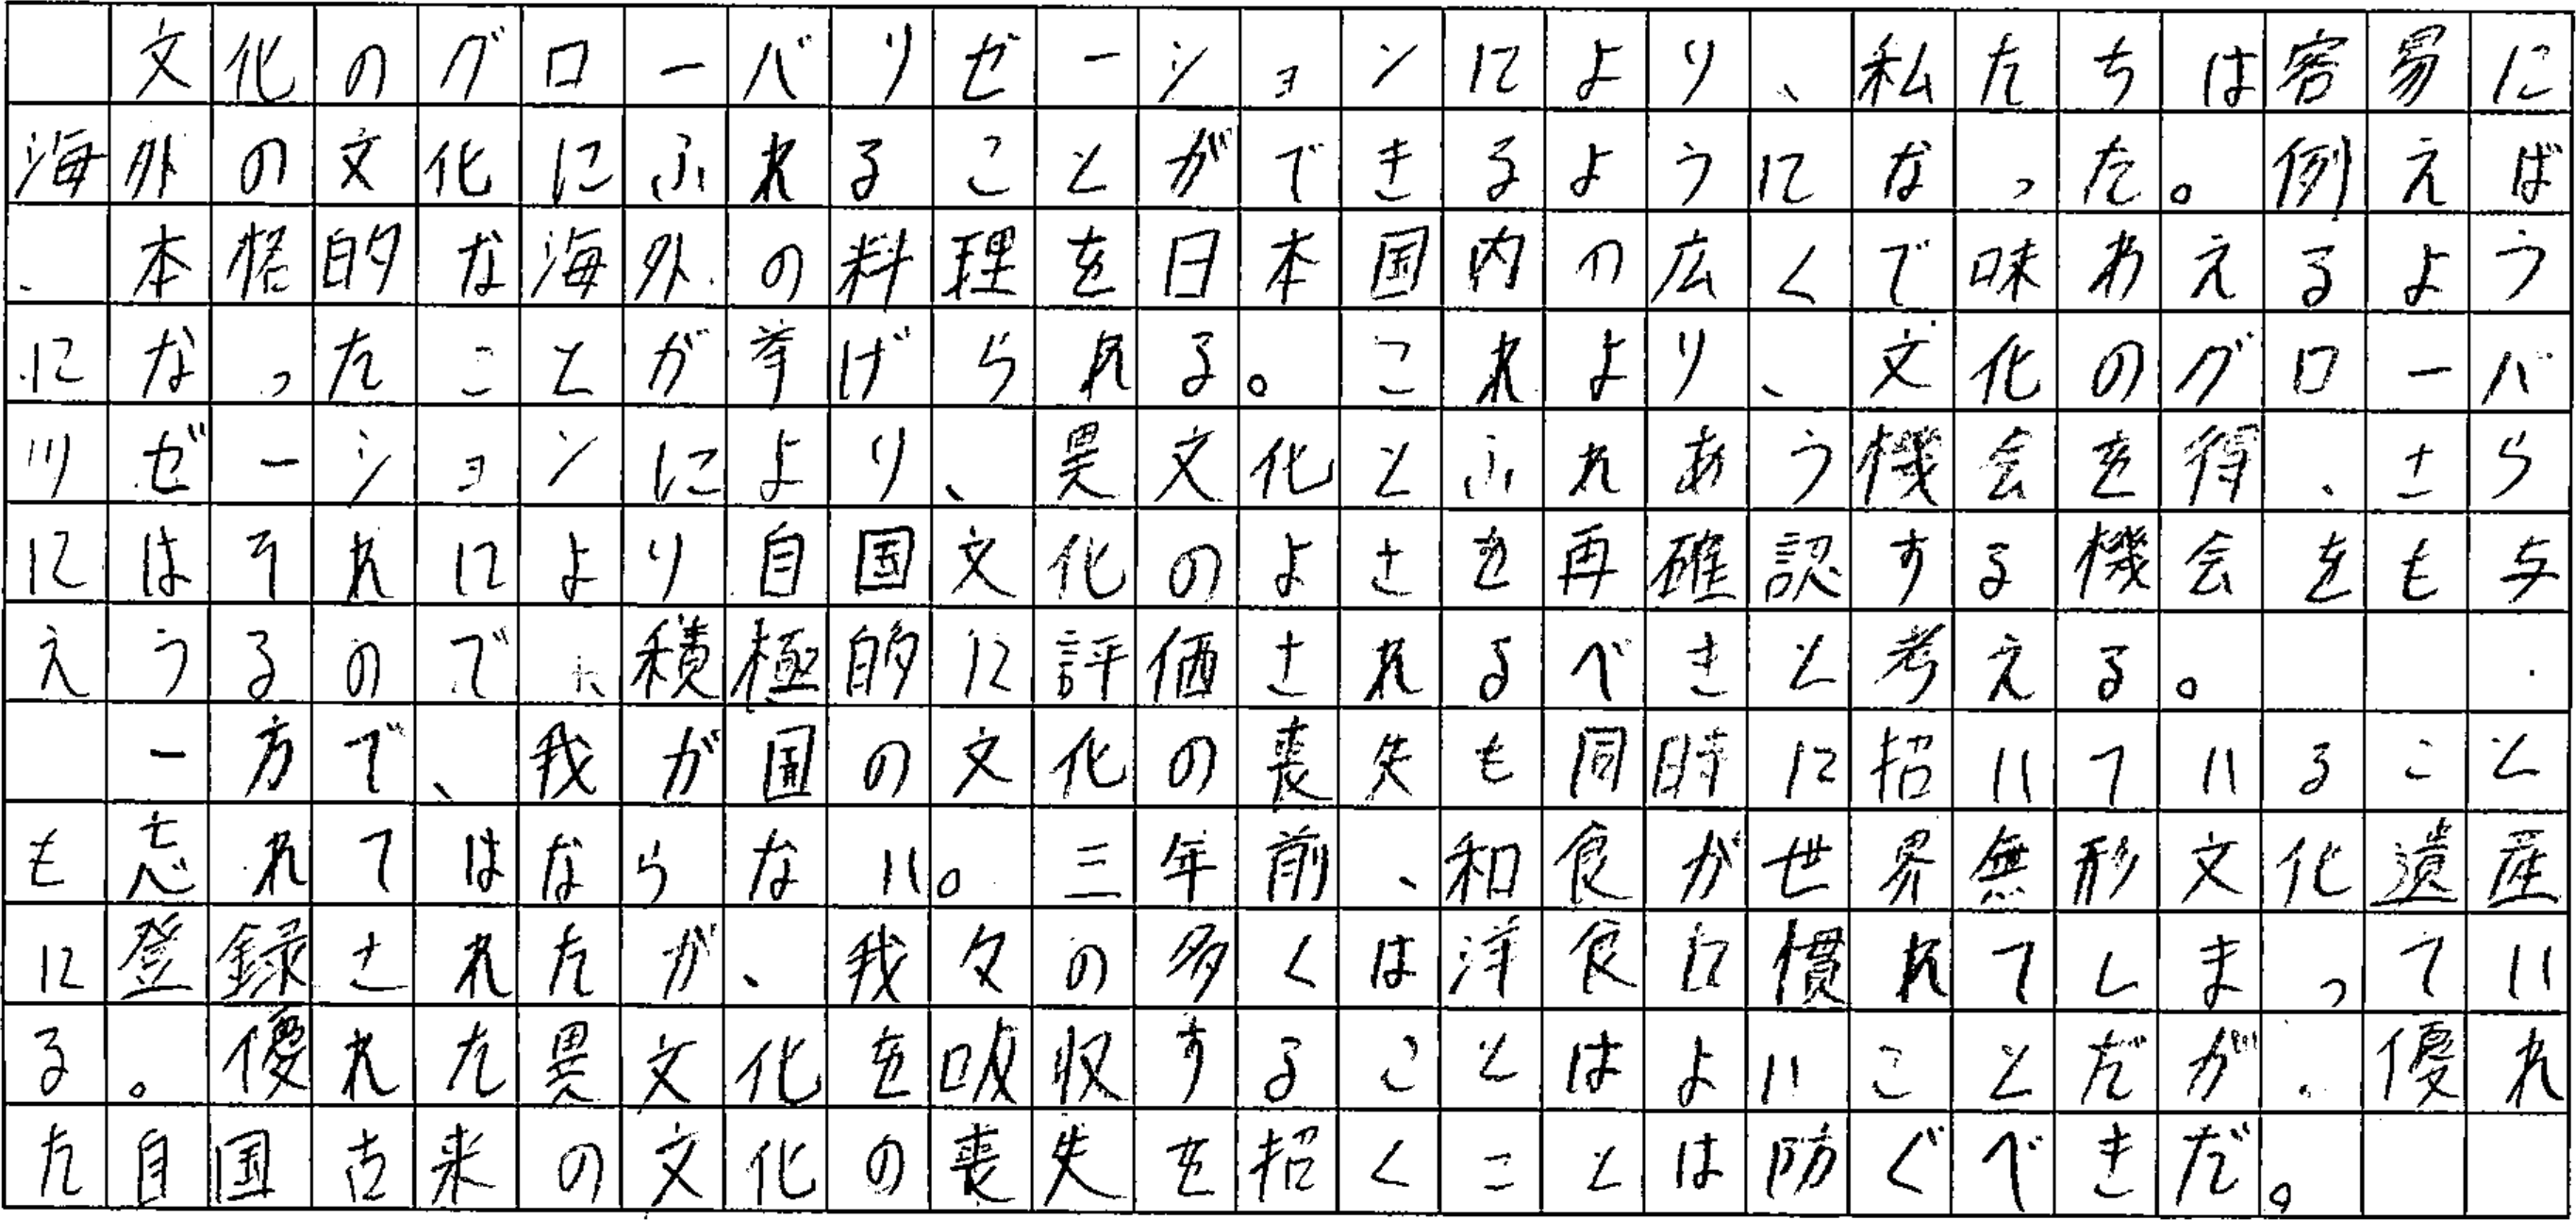　文化のグローバリゼーションにより、私たちは容易に海外の文化にふれることができるようになった。例えば、本格的な海外の料理を日本国内の広くで味わえるようになったことが挙げられる。これより、文化のグローバリゼーションにより、異文化とふれあう機会を得、さらにはそれにより自国文化のよさを再確認する機会をも与えうるので、積極的に評価されるべきと考える。
　一方で、我が国の文化の喪失も同時に招いていることも忘れてはならない。三年前、和食が世界無形文化遺産に登録されたが、我々の多くは洋食に慣れてしまっている。優れた異文化を吸収することはよいことだが、優れた自国古来の文化の喪失を招くことは防ぐべきだ。
